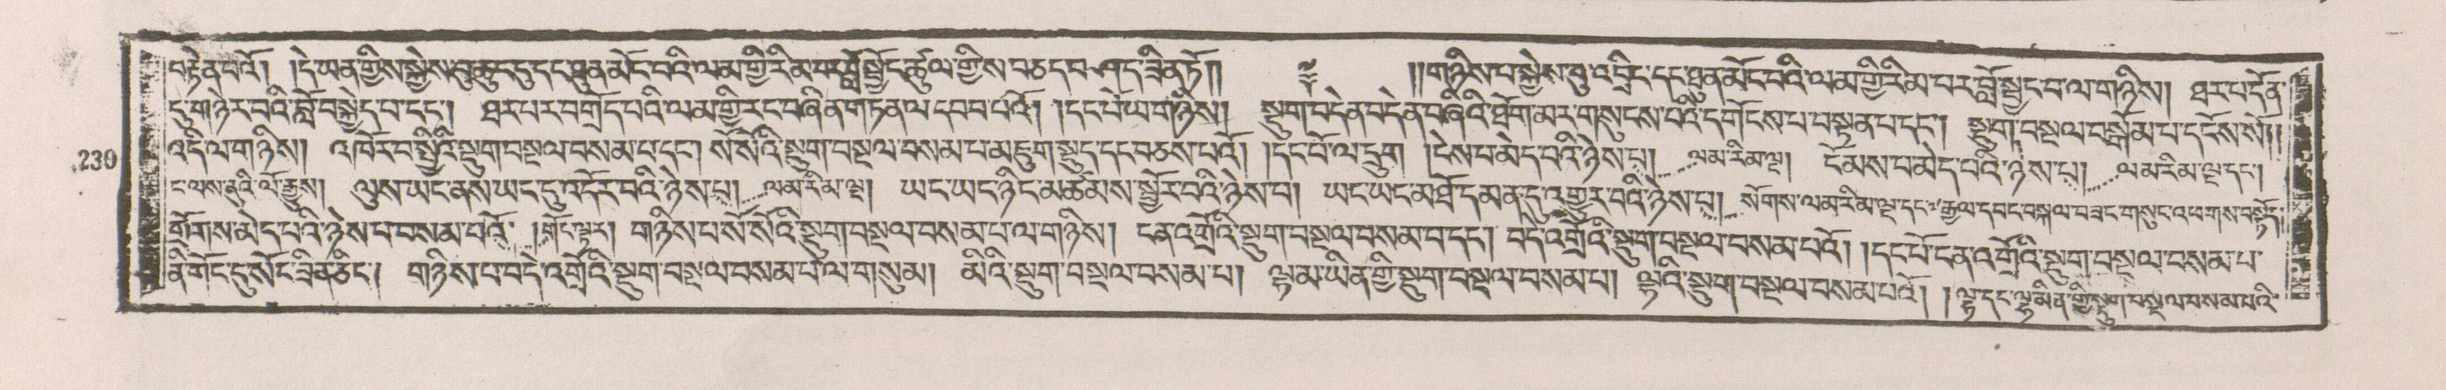བརྟེན་པའོ། །དེ་ཡན་གྱིས་སྐྱེས་བུ་ཆུང་ངུ་དང་ཐུན་མོང་བའི་ལམ་གྱི་རིམ་བར་བློ་སྦྱོང་ཚུལ་གྱི་ས་བཅད་བཤད་ཟིན་ཏོ།། ༈ །།གཉིས་པ་སྐྱེས་བུ་འབྲིང་དང་ཐུན་མོང་བའི་ལམ་གྱི་རིམ་པར་བློ་སྦྱང་བ་ལ་གཉིས། ཐར་པ་དོན་
དུ་གཉེར་བའི་བློ་བསྐྱེད་པ་དང་། ཐར་པར་བགྲོད་པའི་ལམ་གྱི་རང་བཞིན་གཏན་ལ་དབབ་པའོ། །དང་པོ་ལ་གཉིས། སྡུག་བདེན་བདེན་བཞིའི་ཐོག་མར་གསུངས་པའི་དགོངས་པ་བསྟན་པ་དང་། སྡུག་བསྔལ་བསྒོམ་པ་དངོས་སོ།།
འདི་ལ་གཉིས། འཁོར་བ་སྤྱིའི་སྡུག་བསྔལ་བསམ་པ་དང་། སོ་སོའི་སྡུག་བསྔལ་བསམ་པ་མཇུག་སྡུད་དང་བཅས་པའོ། །དང་པོ་ལ་དྲུག །ངེས་པ་མེད་པའི་ཉེས་པ། ལམ་རིམ་ལྔ།  ངོམས་པ་མེད་པའི་ཉེས་པ། ལམ་རིམ་ལྔ་དང་།
ང་ཡས་ནུའི་ལོ་རྒྱུས།  ལུས་ཡང་ནས་ཡང་དུ་འདོར་བའི་ཉེས་པ། ལམ་རིམ་ལྔ།  ཡང་ཡང་ཉིང་མཚམས་སྦྱོར་བའི་ཉེས་པ། ཡང་ཡང་མཐོ་དམན་དུ་འགྱུར་བའི་ཉེས་པ། སོགས་ལམ་རིམ་ལྔ་དང་~རྒྱལ་དབང་བསྐལ་བཟང་གསུང་འཕགས་བསྟོད།
གྲོགས་མེད་པའི་ཉེས་པ་བསམ་པའོ། ། གོང་ལྟར།  གཉིས་པ་སོ་སོའི་སྡུག་བསྔལ་བསམ་པ་ལ་གཉིས། ངན་འགྲོའི་སྡུག་བསྔལ་བསམ་པ་དང་། བདེ་འགྲོའི་སྡུག་བསྔལ་བསམ་པའོ། །དང་པོ་ངན་འགྲོའི་སྡུག་བསྔལ་བསམ་པ་
ནི་གོང་དུ་སོང་ཟིན་ཅིང་། གཉིས་པ་བདེ་འགྲོའི་སྡུག་བསྔལ་བསམ་པ་ལ་གསུམ། མིའི་སྡུག་བསྔལ་བསམ་པ། ལྷ་མ་ཡིན་གྱི་སྡུག་བསྔལ་བསམ་པ། ལྷའི་སྡུག་བསྔལ་བསམ་པའོ། ། ལྷ་དང་ལྷ་མིན་གྱི་སྡུག་བསྔལ་བསམ་པའི